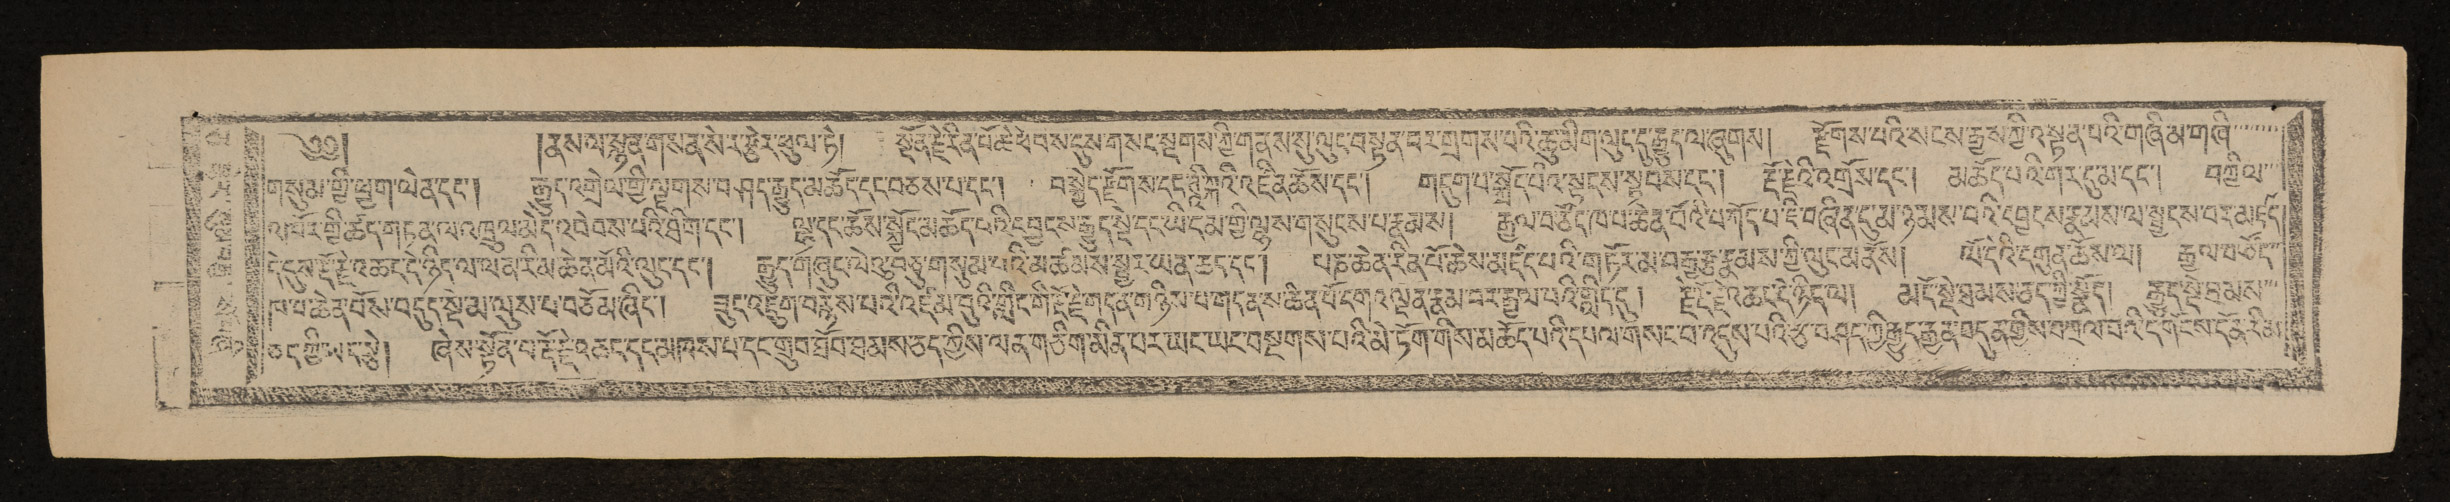༄༅། །ནས་ལ་སྙན་གསན་སེ་ར་རྩེར་ཕུལ་ཏེ། སྔོན་རྗེ་རིན་པོ་ཆེ་ཕེབས་དུས་གསང་སྔགས་ཀྱི་གནས་སུ་ལུང་བསྟན་པར་གྲགས་པའི་ཆུ་མིག་ལུང་དུ་རྒྱུད་ལ་ཞུགས། རྫོགས་པའི་སངས་རྒྱས་ཀྱི་བསྟན་པའི་གཞི་མ་གཞི་
གསུམ་གྱི་ཕྱག་ལེན་དང་། རྒྱུད་འགྲེལ་གྱི་ལྗགས་བཤད་རྒྱུད་མཆོད་དང་བཅས་པ་དང་། བསྐྱེད་རྫོགས་དང་ཊཱིཀྐའི་འཛིན་ཆོས་དང་། གདུག་པ་སྐྲོད་པའི་སྟངས་སྟབས་དང་། རྡོ་རྗེའི་འགྲོས་དང་། མཆོད་པའི་གར་དུ་མ་དང་། དཀྱིལ་
འཁོར་གྱི་ཚད་གཏན་ལ་འཁྲུལ་མེད་འབེབས་པའི་ཐིག་དང་། ལྷ་དང་ཆོས་སྐྱོང་མཆོད་པའི་དབྱངས་རྒྱུད་སྡེ་དང་ཡི་དམ་གྱི་ལྷས་གསུངས་པ་རྣམས། རྒྱལ་བ་ཙོང་ཁ་པ་ཆེན་པོའི་བཀོད་པ་ཇི་བཞིན་དུ་མ་ཉམས་པའི་དབྱངས་རྣམས་ལ་སྦྱངས་པར་མཛད།
དེ་དུས་རྡོ་རྗེ་འཆང་དེ་ཉིད་ལ་ལམ་རིམ་ཆེན་མོའི་ལུང་དང་། རྒྱུད་གཞུང་ལེའུ་བཅུ་གསུམ་པའི་མཚམས་སྦྱར་ཡན་ཆད་དང་། པཎ་ཆེན་རིན་པོ་ཆེས་མཛད་པའི་གཏོར་མ་བརྒྱ་རྩ་རྣམས་ཀྱི་ལུང་མནོས། ལོ་དེའི་དགུན་ཆོས་ལ། རྒྱལ་བ་ཙོང་
ཁ་པ་ཆེན་པོས་བདུད་སྡེ་མ་ལུས་པ་བཅོམ་ཞིང་། ཟུང་འཇུག་བརྙེས་པའི་འཛམ་བུའི་གླིང་གི་རྡོ་རྗེ་གདན་གཉིས་པ་གདན་ས་ཆེན་པོ་དགའ་ལྡན་རྣམ་པར་རྒྱལ་བའི་གླིང་དུ། རྗེ་རྡོ་རྗེ་འཆང་དེ་ཉིད་ལ། མདོ་སྡེ་ཐམས་ཅད་ཀྱི་སྣོད། རྒྱུད་སྡེ་ཐམས་
ཅད་ཀྱི་ཡང་རྩེ། ཞེས་སྟོན་པ་རྡོ་རྗེ་འཆང་དང་མཁས་པ་དང་གྲུབ་ཐོབ་ཐམས་ཅད་ཀྱིས་ལན་གཅིག་མིན་པར་ཡང་ཡང་བསྔགས་པའི་མེ་ཏོག་གིས་མཆོད་པའི་དཔལ་གསང་བ་འདུས་པའི་རྩ་བཤད་ཀྱི་རྒྱུད་རྒྱན་བདུན་གྱིས་བཀྲལ་བའི་དགོངས་དོན་རིམ་